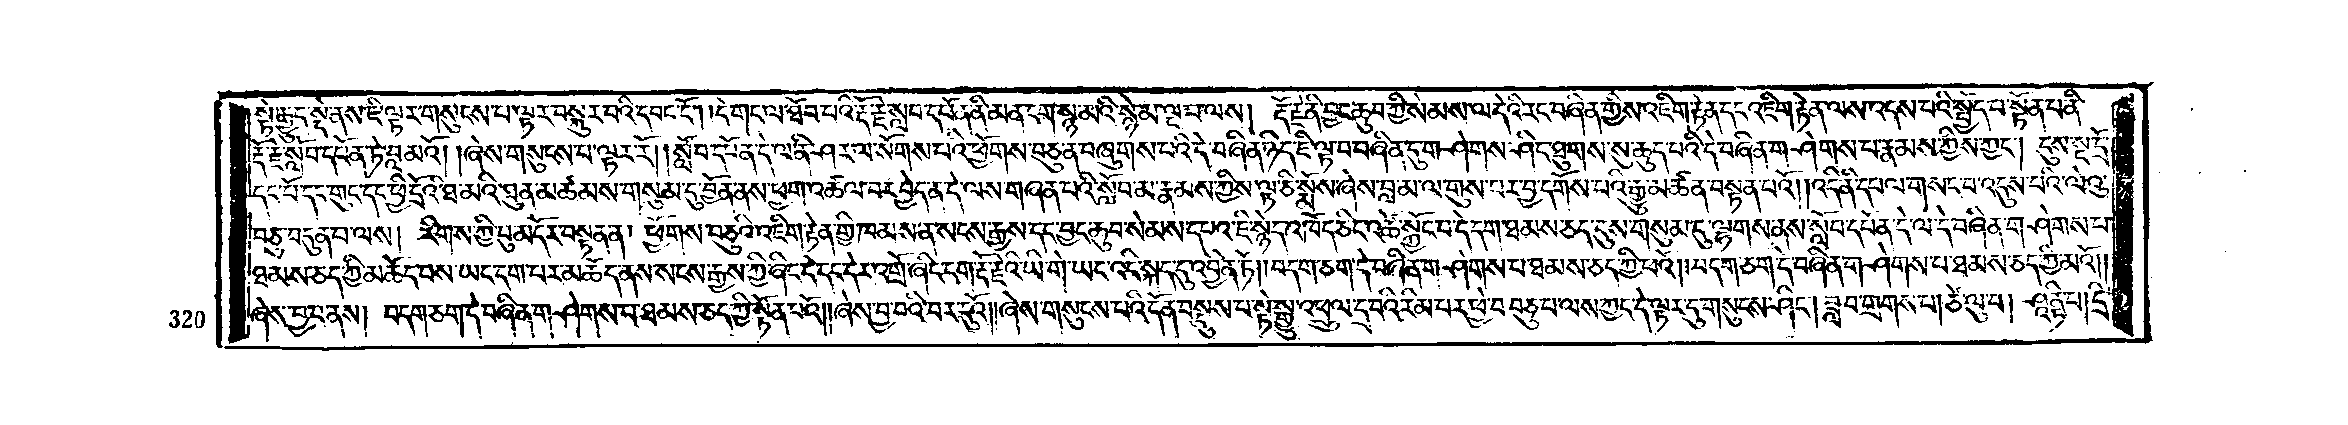སྟེ་རྒྱུད་སྡེ་ནས་ཇི་ལྟར་གསུངས་པ་ལྟར་བསྐུར་བའི་དབང་ངོ། །དེ་གང་ལ་ཐོབ་པའི་རྡོ་རྗེ་སློབ་དཔོན་ནི་མན་ངག་སྙ་མའི་སྙེ་མ་ལྔ་བ་ལས། རྡོ་རྗེ་ནི་བྱང་ཆུབ་ཀྱི་སེམས་ལ་དེའི་རང་བཞིན་གྱིས་འཇིག་རྟེན་དང་འཇིག་རྟེན་ལས་འདས་པའི་སྤྱོད་པ་སྟེན་པ་ནི་
རྡོ་རྗེ་སློབ་དཔོན་ཏེ་བླ་མའོ། །ཞེས་གསུངས་པ་ལྟར་རོ། །སློབ་དཔོན་དེ་ལ་ནི་ཤར་ལ་སོགས་པའི་ཕྱོགས་བཅུ་ན་བཞུགས་པའི་དེ་བཞིན་ཉིད་ཇི་ལྟ་བ་བཞིན་དུ་གཤེགས་ཤིང་ཐུགས་སུ་ཆུད་པའི་དེ་བཞིན་གཤེགས་པ་རྣམས་ཀྱིས་ཀྱང་། དུས་སྔ་དྲོ་
དང་པོ་དང་གུང་དང་ཕྱི་དྲོའི་ཐ་མའི་ཐུན་མཚམས་གསུམ་དུ་བྱོན་ནས་ཕྱག་འཚལ་བར་བྱེད་ན་དེ་ལས་གཞན་པའི་སློབ་མ་རྣམས་ཀྱིས་ལྟ་ཅི་སྨོས་ཞེས་བླ་མ་ལ་གུས་པར་བྱ་དགོས་པའི་རྒྱུ་མཚན་བསྟན་པའོ། །འདི་ནི་དཔལ་གསང་བ་འདུས་པའི་ལེའུ་
བཅུ་བདུན་པ་ལས། རིགས་ཀྱི་བུ་མདོར་བསྟན་ན། ཕྱོགས་བཅུའི་འཇིག་རྟེན་གྱི་ཁམས་ན་སངས་རྒྱས་དང་བྱང་ཆུབ་སེམས་དཔའ་ཇི་སྙེད་འཁོད་ཅིང་འཚེ་སྐྱོང་བ་དེ་དག་ཐམས་ཅད་དུས་གསུམ་དུ་ལྷགས་ནས་སློབ་དཔོན་དེ་ལ་དེ་བཞིན་གཤེགས་པ་
ཐམས་ཅད་ཀྱི་མཆོད་པས་ཡང་དག་པར་མཆོད་ནས་སངས་རྒྱས་ཀྱི་ཞིང་དེ་དང་དེར་འགྲོ་ཞིང་དག་རྡོ་རྗེའི་ཡི་གེ་ཡང་འདི་སྐད་དུ་འབྱིན་ཏོ། །བདག་ཅག་དེ་བཞིན་གཤེགས་པ་ཐམས་ཅད་ཀྱི་ཕའོ། །བདག་ཅག་དེ་བཞིན་གཤེགས་པ་ཐམས་ཅད་ཀྱི་མའོ། །
ཞེས་བྱ་བ་ནས། བདག་ཅག་དེ་བཞིན་གཤེགས་པ་ཐམས་ཅད་ཀྱི་སྟོན་པའོ། །ཞེས་བྱ་བའི་བར་དུའོ། །ཞེས་གསུངས་པའི་དོན་བསྡུས་པ་སྟེ་སྒྱུ་འཕྲུལ་དྲ་བའི་རིམ་པར་ཕྱེ་བ་བཅུ་པ་ལས་ཀྱང་དེ་ལྟར་དུ་གསུངས་ཤིང་། ཟླ་བ་གྲགས་པ། ཙེ་ལུ་པ། ཤཱནྟི་པ། དྲི་